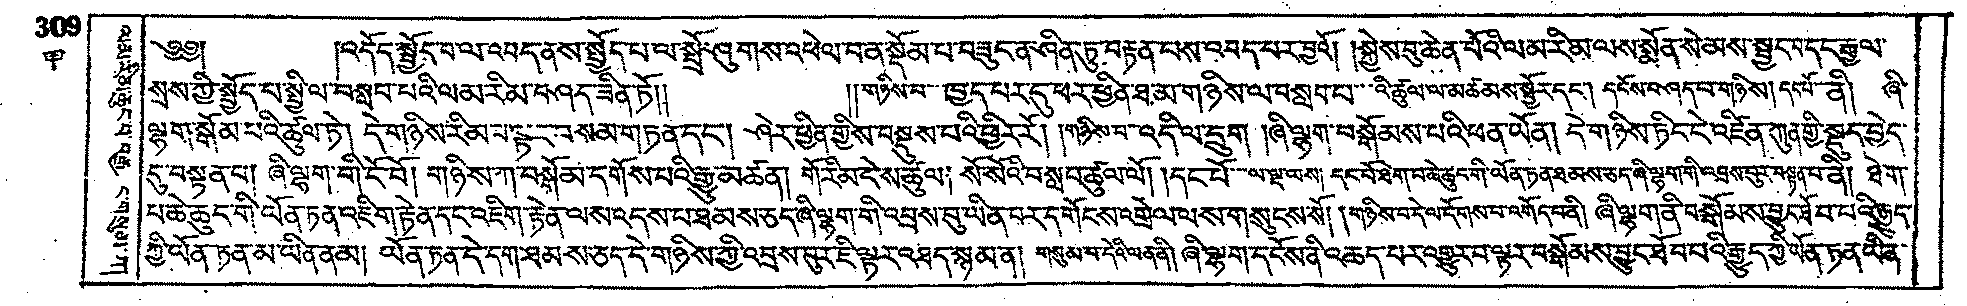༄༅། །འདོད་སྦྱོང་བ་ལ་འབད་ནས་སྤྱོད་པ་ལ་སྤྲོ་ཤུགས་འཕེལ་བ་ན་སྡོམ་པ་བཟུང་ན་ཤིན་ཏུ་བརྟན་པས་འབད་པར་བྱའོ། །སྐྱེས་བུ་ཆེན་པོའི་ལམ་རིམ་ལས་སྨོན་སེམས་སྦྱང་བ་དང་རྒྱལ་
སྲས་ཀྱི་སྤྱོད་པ་སྤྱི་ལ་བསླབ་པའི་ལམ་རིམ་བཤད་ཟིན་ཏོ།། །།གཉིས་པཁྱད་པར་དུ་ཕར་ཕྱིན་ཐ་མ་གཉིས་ལ་བསླབ་པའི་ཚུལ་ལ་མཚམས་སྦྱོར་དང་། དངོས་བཤད་པ་གཉིས། དང་པོནི། ཞི་
ལྷག་སྒོམ་པའི་ཚུལ་ཏེ། དེ་གཉིས་རིམ་པ་ལྟང་བསམ་གཏན་དང་། ཤེར་ཕྱིན་གྱིས་བསྡུས་པའི་ཕྱིར་རོ། །གཉིས་པའདི་ལ་དྲུག །ཞི་ལྷག་བསྒོམས་པའི་ཕན་ཡོན། དེ་གཉིས་ཏིང་ངེ་འཛིན་ཀུན་གྱི་སྡུད་བྱེད་
དུ་བསྟན་པ། ཞི་ལྷག་གི་ངོ་བོ། གཉིས་ཀ་བསྒོམ་དགོས་པའི་རྒྱུ་མཚན། གོ་རིམ་ངེས་ཚུལ། སོ་སོའི་བསླབ་ཚུལ་ལོ། །དང་པོལ་ལྔ་ལས། དང་པོ་ཐེག་པ་ཆེ་ཆུང་གི་ཡོན་ཏན་ཐམས་ཅད་ཞི་ལྷག་གི་འབྲས་བུར་བསྟན་པ་ནི།  ཐེག་
པ་ཆེ་ཆུང་གི་ཡོན་ཏན་འཇིག་རྟེན་དང་འཇིག་རྟེན་ལས་འདས་པ་ཐམས་ཅད་ཞི་ལྷག་གི་འབྲས་བུ་ཡིན་པར་དགོངས་འགྲེལ་ལས་གསུངས་སོ། །གཉིས་པ་དེ་ལ་དོགས་པ་འགོད་པ་ནི།  ཞི་ལྷག་ནི་བསྒོམས་བྱུང་ཐོབ་པའི་རྒྱུད་
ཀྱི་ཡོན་ཏན་མ་ཡིན་ནམ། ཡོན་ཏན་དེ་དག་ཐམས་ཅད་དེ་གཉིས་ཀྱི་འབྲས་བུར་ཇི་ལྟར་འཐད་སྙམ་ན། གསུམ་པ་དེའི་ལན་ནི།  ཞི་ལྷག་དངོས་ནི་འཆད་པར་འགྱུར་བ་ལྟར་བསྒོམས་བྱུང་ཐོབ་པའི་རྒྱུད་ཀྱི་ཡོན་ཏན་ཡིན་